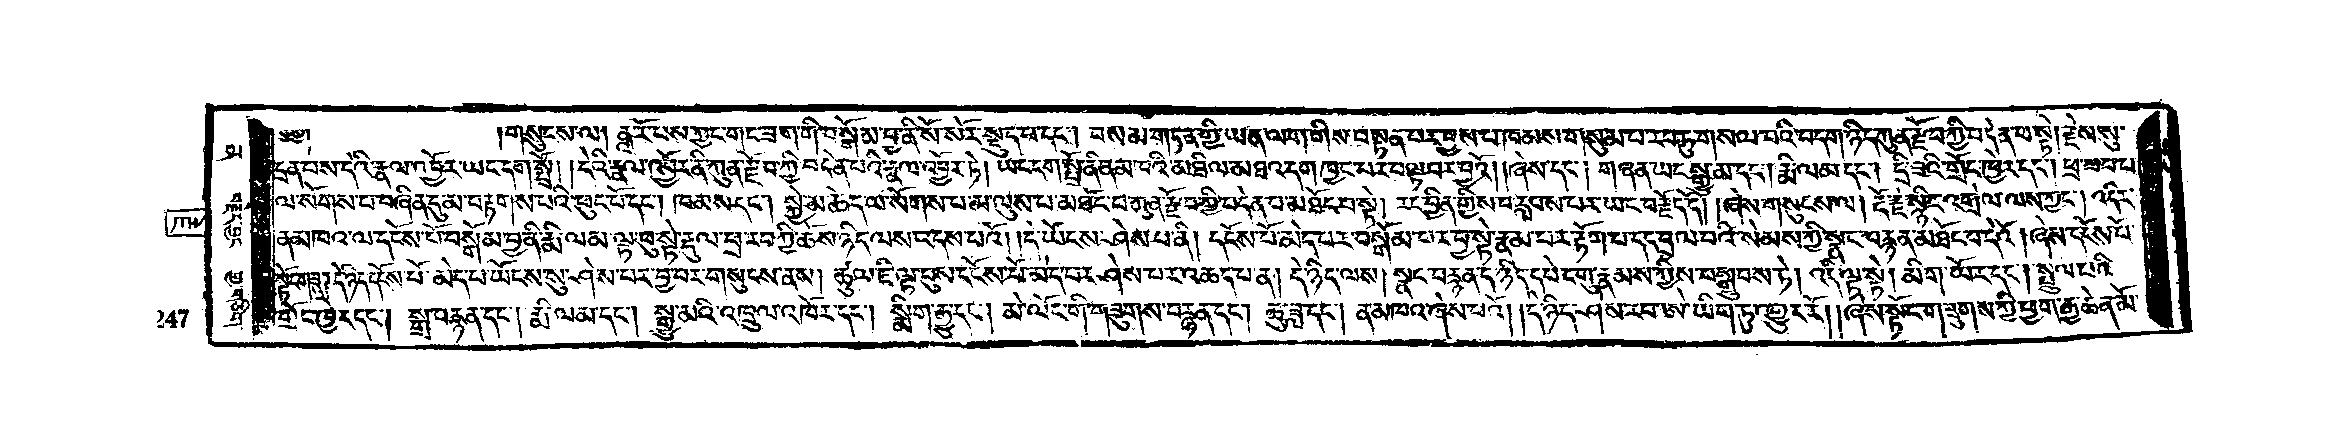༄༅། །གསུངས་ལ། ནཱ་རོ་པས་ཀྱང་གང་ཟག་གི་བསྒོམ་བྱ་ནི་སོ་སོར་སྡུད་པ་དང་། བསམ་གཏན་གྱི་ཡན་ལག་གིས་བསྟན་པར་བྱས་པ་ཁམས་གསུམ་པ་རབ་ཏུ་གསལ་བའི་བདག་ཉིད་ཀུན་རྫོབ་ཀྱི་བདེན་པ་སྟེ། རྗེས་སུ་
དྲན་པས་དེའི་རྣལ་འབྱོར་ཡང་དག་སྤྲོ། །དེའི་རྣལ་འབྱོར་ནི་ཀུན་རྫོབ་ཀྱི་བདེན་པའི་རྣལ་འབྱོར་ཏེ། ཡང་དག་སྤྲོ་ནི་ནམ་མཁའི་མཐིལ་མཐའ་དག་ཁྱབ་པར་བལྟ་བར་བྱའོ། །ཞེས་དང་། གཞན་ཡང་སྒྱུ་མ་དང་། རྨི་ལམ་དང་། དྲི་ཟའི་གྲོང་ཁྱེར་དང་། པྲ་ཕབ་པ་
ལ་སོགས་པ་བཞིན་དུ་མ་བརྟགས་པའི་ཕུང་པོ་དང་། ཁམས་དང་། སྐྱེ་མཆེད་ལ་སོགས་པ་མ་ལུས་པ་མཐོང་བ་ཀུན་རྫོབ་ཀྱི་བདེན་པ་མཐོང་པ་སྟེ། རང་བྱིན་གྱིས་བརླབས་པར་ཡང་བརྗོད་དོ། །ཞེས་གསུངས་ལ། རྡོ་རྗེ་སྙིང་འགྲེལ་ལས་ཀྱང་། འདིར་
ནམ་མཁའ་ལ་དངོས་པོ་བསྒོམ་བྱ་ནི་རྨི་ལམ་ལྟ་བུ་སྟེ་རྡུལ་ཕྲ་རབ་ཀྱི་ཆོས་ཉིད་ལས་འདས་པའོ། །དེ་ཡོངས་ཤེས་པ་ནི། དངོས་པོ་མེད་པར་བསྒོམ་པར་བྱ་སྟེ་རྣམ་པར་རྟོག་པ་དང་བྲལ་བའི་སེམས་ཀྱི་སྣང་བརྙན་མཐོང་བ་དེའོ། །ཞེས་དངོས་པོ་
སྟེང་གཟུགས་དེ་ཉིད་དངོས་པོ་མེད་པ་ཡོངས་སུ་ཤེས་པར་བྱ་བར་གསུངས་ནས། ཚུལ་ཇི་ལྟ་བུས་དངོས་པོ་མེད་པར་ཤེས་པར་འཆད་པ་ན། དེ་ཉིད་ལས། སྣང་བརྙན་དེ་ཉིད་དཔེ་དགུ་རྣམས་ཀྱིས་བསྒྲུབས་ཏེ། འདི་ལྟ་སྟེ། མིག་ཡོར་དང་། སྤྲུལ་པའི་
གྲོང་ཁྱེར་དང་། སྒྲ་བརྙན་དང་། རྨི་ལམ་དང་། སྒྱུ་མའི་འཁྲུལ་འཁོར་དང་། སྨིག་རྒྱུ་དང་། མེ་ལོང་གི་གཟུགས་བརྙན་དང་། ཆུ་ཟླ་དང་། ནམ་མཁའ་ཞེས་པའོ། །དེ་ཉིད་ཤེས་རབ་ཨེ་ཡིག་ཏུ་འགྱུར་རོ། །ཞེས་སྟོང་གཟུགས་ཀྱི་ཕྱག་རྒྱ་ཆེན་མོ་